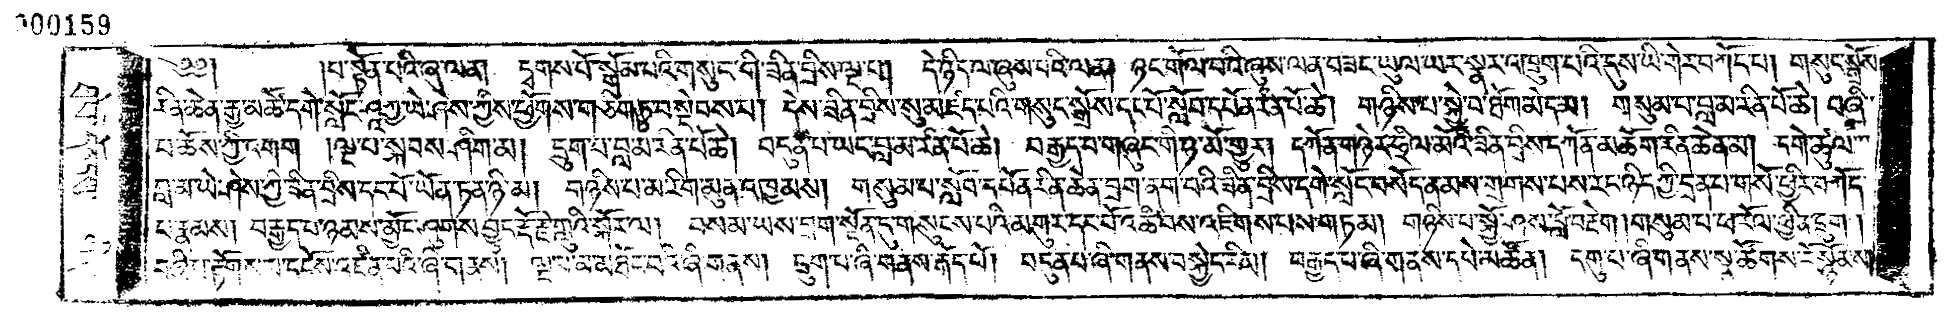༄༅། །པ་སྟོན་པའི་ཞུ་ལན། དྭགས་པོ་སྒོམ་པའི་གསུང་གི་ཟིན་བྲིས་ལྔ་པ། དེ་ཉིད་ལ་ཞུས་པའི་ལན། ཉང་གོལ་བའི་ཞུས་ལན་བཟང་ཡུལ་ཡར་སྣར་འཁྲུག་པའི་དུས་ཡི་གེར་བཀོད་པ། གསུང་སྒྲོས་
རིན་ཆེན་རྒྱ་མཚོ་དགེ་སློང་ཤཱཀྱ་ཡེ་ཤེས་ཀྱིས་ཕྱོགས་གཅིག་ཏུ་བསྡེབས་པ། དེས་ཟིན་བྲིས་སུ་མཛད་པའི་གསུང་སྒྲོས་དང་པོ་སློབ་དཔོན་རིན་པོ་ཆེ། གཉིས་པ་སྐྱེ་བ་ཐོག་མེད་མ། གསུམ་པ་བླ་མ་རིན་པོ་ཆེ། བཞི་
པ་ཆོས་ཀྱི་འགག །ལྔ་པ་སྐབས་ཤིག་མ། དྲུག་པ་བླ་མ་རིན་པོ་ཆེ། བདུན་པ་ཡང་བླ་མ་རིན་པོ་ཆེ། བརྒྱད་པ་གཞུང་གི་ཉ་མོ་གྱུར། དཀོན་གཉེར་ཧྲིལ་མོའི་ཟིན་བྲིས་དཀོན་མཆོག་རིན་ཆེན་མ། དགེ་ཚུལ་
བླ་མ་ཡེ་ཤེས་ཀྱི་ཟིན་བྲིས་དང་པོ་ཡོན་ཏན་ཉི་མ། གཉིས་པ་མ་རིག་མུན་འཁྱམས། གསུམ་པ་སློབ་དཔོན་རིན་ཆེན་བྲག་ནག་པའི་ཟིན་བྲིས་དགེ་སློང་བསོད་ནམས་གྲགས་པས་རང་ཉིད་ཀྱི་དྲན་པ་གསོ་ཕྱིར་བཀོད་
པ་རྣམས། བརྒྱད་པ་ཉམས་མྱོང་ཤུགས་བྱུང་རྡོ་རྗེ་གླུའི་སྐོར་ལ། བསམ་ཡས་བྲག་སྔོན་དུ་གསུངས་པའི་མགུར་དང་པོ་འཆིབས་འཇིགས་པས་གཏམ། གཉིས་པ་སྐྱོ་ཤས་བློ་བརྡེག །གསུམ་པ་ཕ་རོལ་ཕྱིན་དྲུག །
བཞི་པ་རྟོགས་པ་དངོས་འཛིན་པའི་ཞི་གནས། ལྔ་པ་མ་མཐོང་བའི་ཞི་གནས། དྲུག་པ་ཞི་གནས་རྒོད་པོ། བདུན་པ་ཞི་གནས་བསྐྱེད་རིམ། བརྒྱད་པ་ཞི་གནས་དཔེ་མཚོན། དགུ་པ་ཞི་གནས་སྣ་ཚོགས་རོ་སྙོམས་